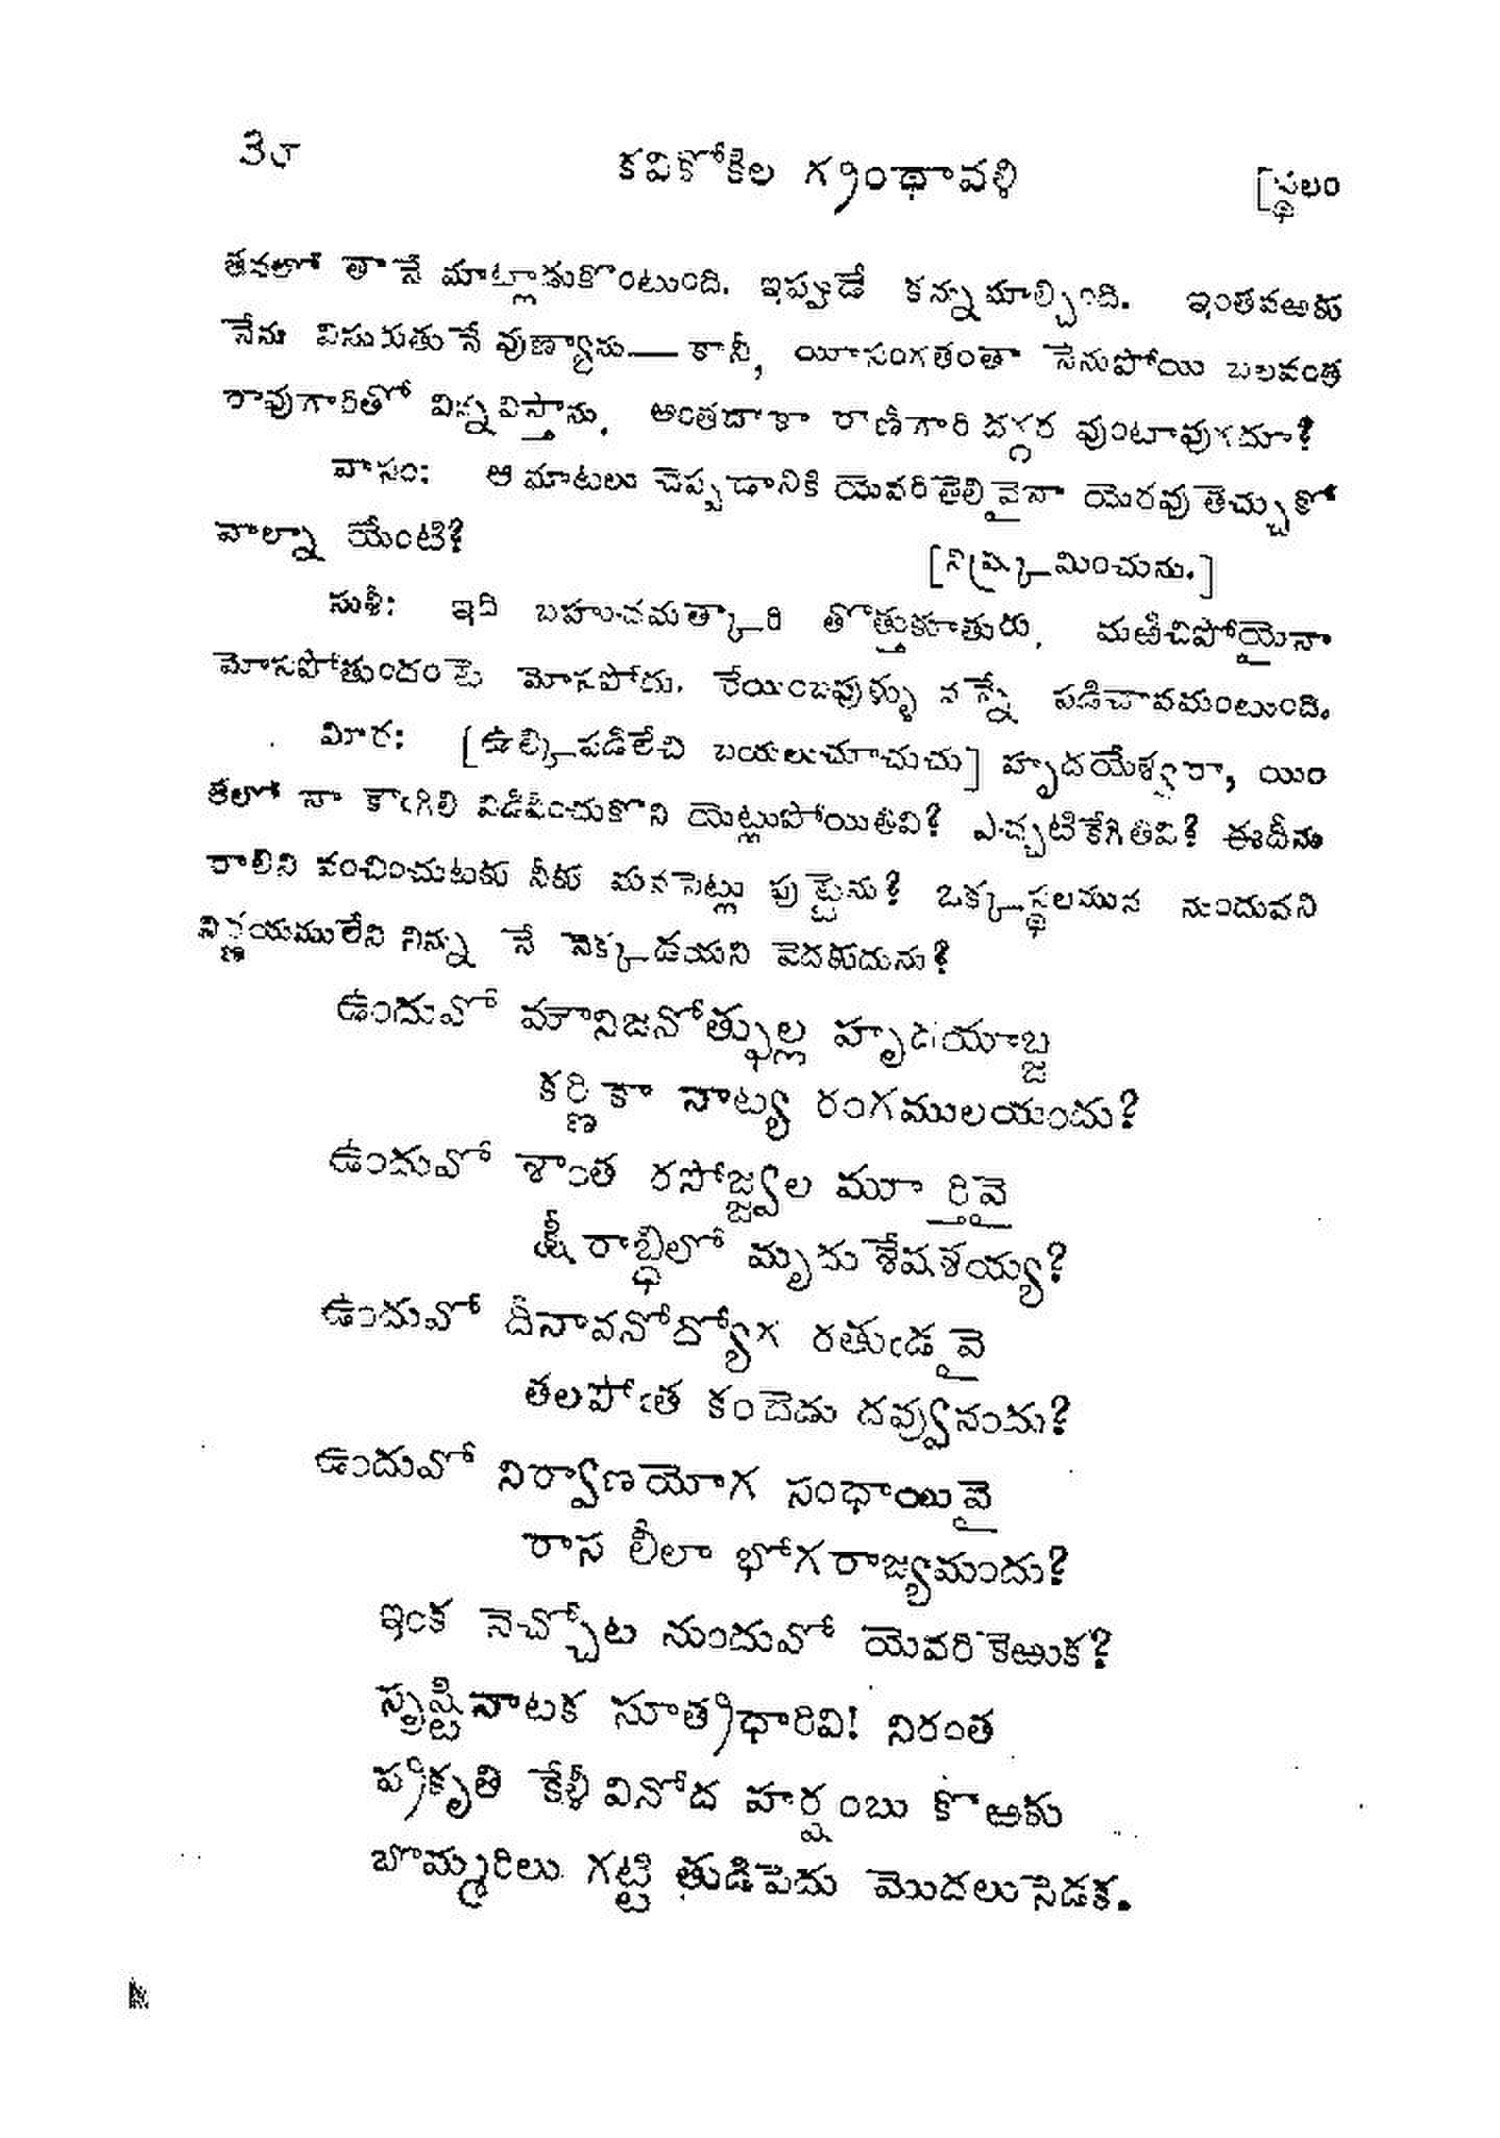తనలో తానే మాట్లాడుకొంటుంది. ఇప్పుడే కన్ను మాల్చింది. ఇంతవఱకు నేను విసురుతునే వుణ్యాను - కానీ, యీసంగతంతా నేనుపోయి బలవంతరావుగారితో విన్నవిస్తాను. అంతదాకా రాణిగారి దగ్గర వుంటావుగదూ ?

వాసం : ఆమాటలు చెప్పడానికి యెవరితెలివైనా యెరవుతెచ్చుకోవాల్నా యేంటి ? [నిష్క్రమించును.]

సుశీ : ఇది బహుచమత్కారి తొత్తుకూతురు. మఱచిపోయైనా మోసపోతుందంటె మోసపోదు. రేయింబవుళ్ళు నన్నే పడిచావమంటుంది.

మీర : [ఉల్కిపడిలేచి బయలుచూచు] హృదయేశ్వరా, యింతలో నా కౌఁగిలి విడిపించుకొని యెట్లుపోయితివి ? ఎచ్చటికేగితివి ? ఈదీనురాలిని వంచించుటకు నీకు మనసెట్లు పుట్టెను ? ఒక్కస్థలమున నుందువని నిర్ణయములేని నిన్ను నే నెక్కడయని వెదకుదును ?

 ఉందువో మౌనిజనోత్ఫుల్ల హృదయాబ్జ
 కర్ణికా నాట్య రంగములయందు?
 ఉందువో శాంత రసోజ్జ్వల మూర్తివై
 క్షీరాబ్ధిలో మృదుశేషశయ్య?
 ఉందువో దీనావనోద్యోగ రతుఁడవై
 తలపోఁత కందెడు దవ్వునందు ?
 ఉందువో నిర్వాణయోగ సంధాయివై
 రాస లీలా భోగరాజ్యమందు?

 ఇంక నెచ్చోట నుందువో యెవరికెఱుక?
 సృష్టినాటక సూత్రధారివి ! నిరంత
 ప్రకృతి కేళీ వినోద హర్షంబు కొఱకు
 బొమ్మరిలు గట్టి తుడిపెదు మొదలుసెడక.